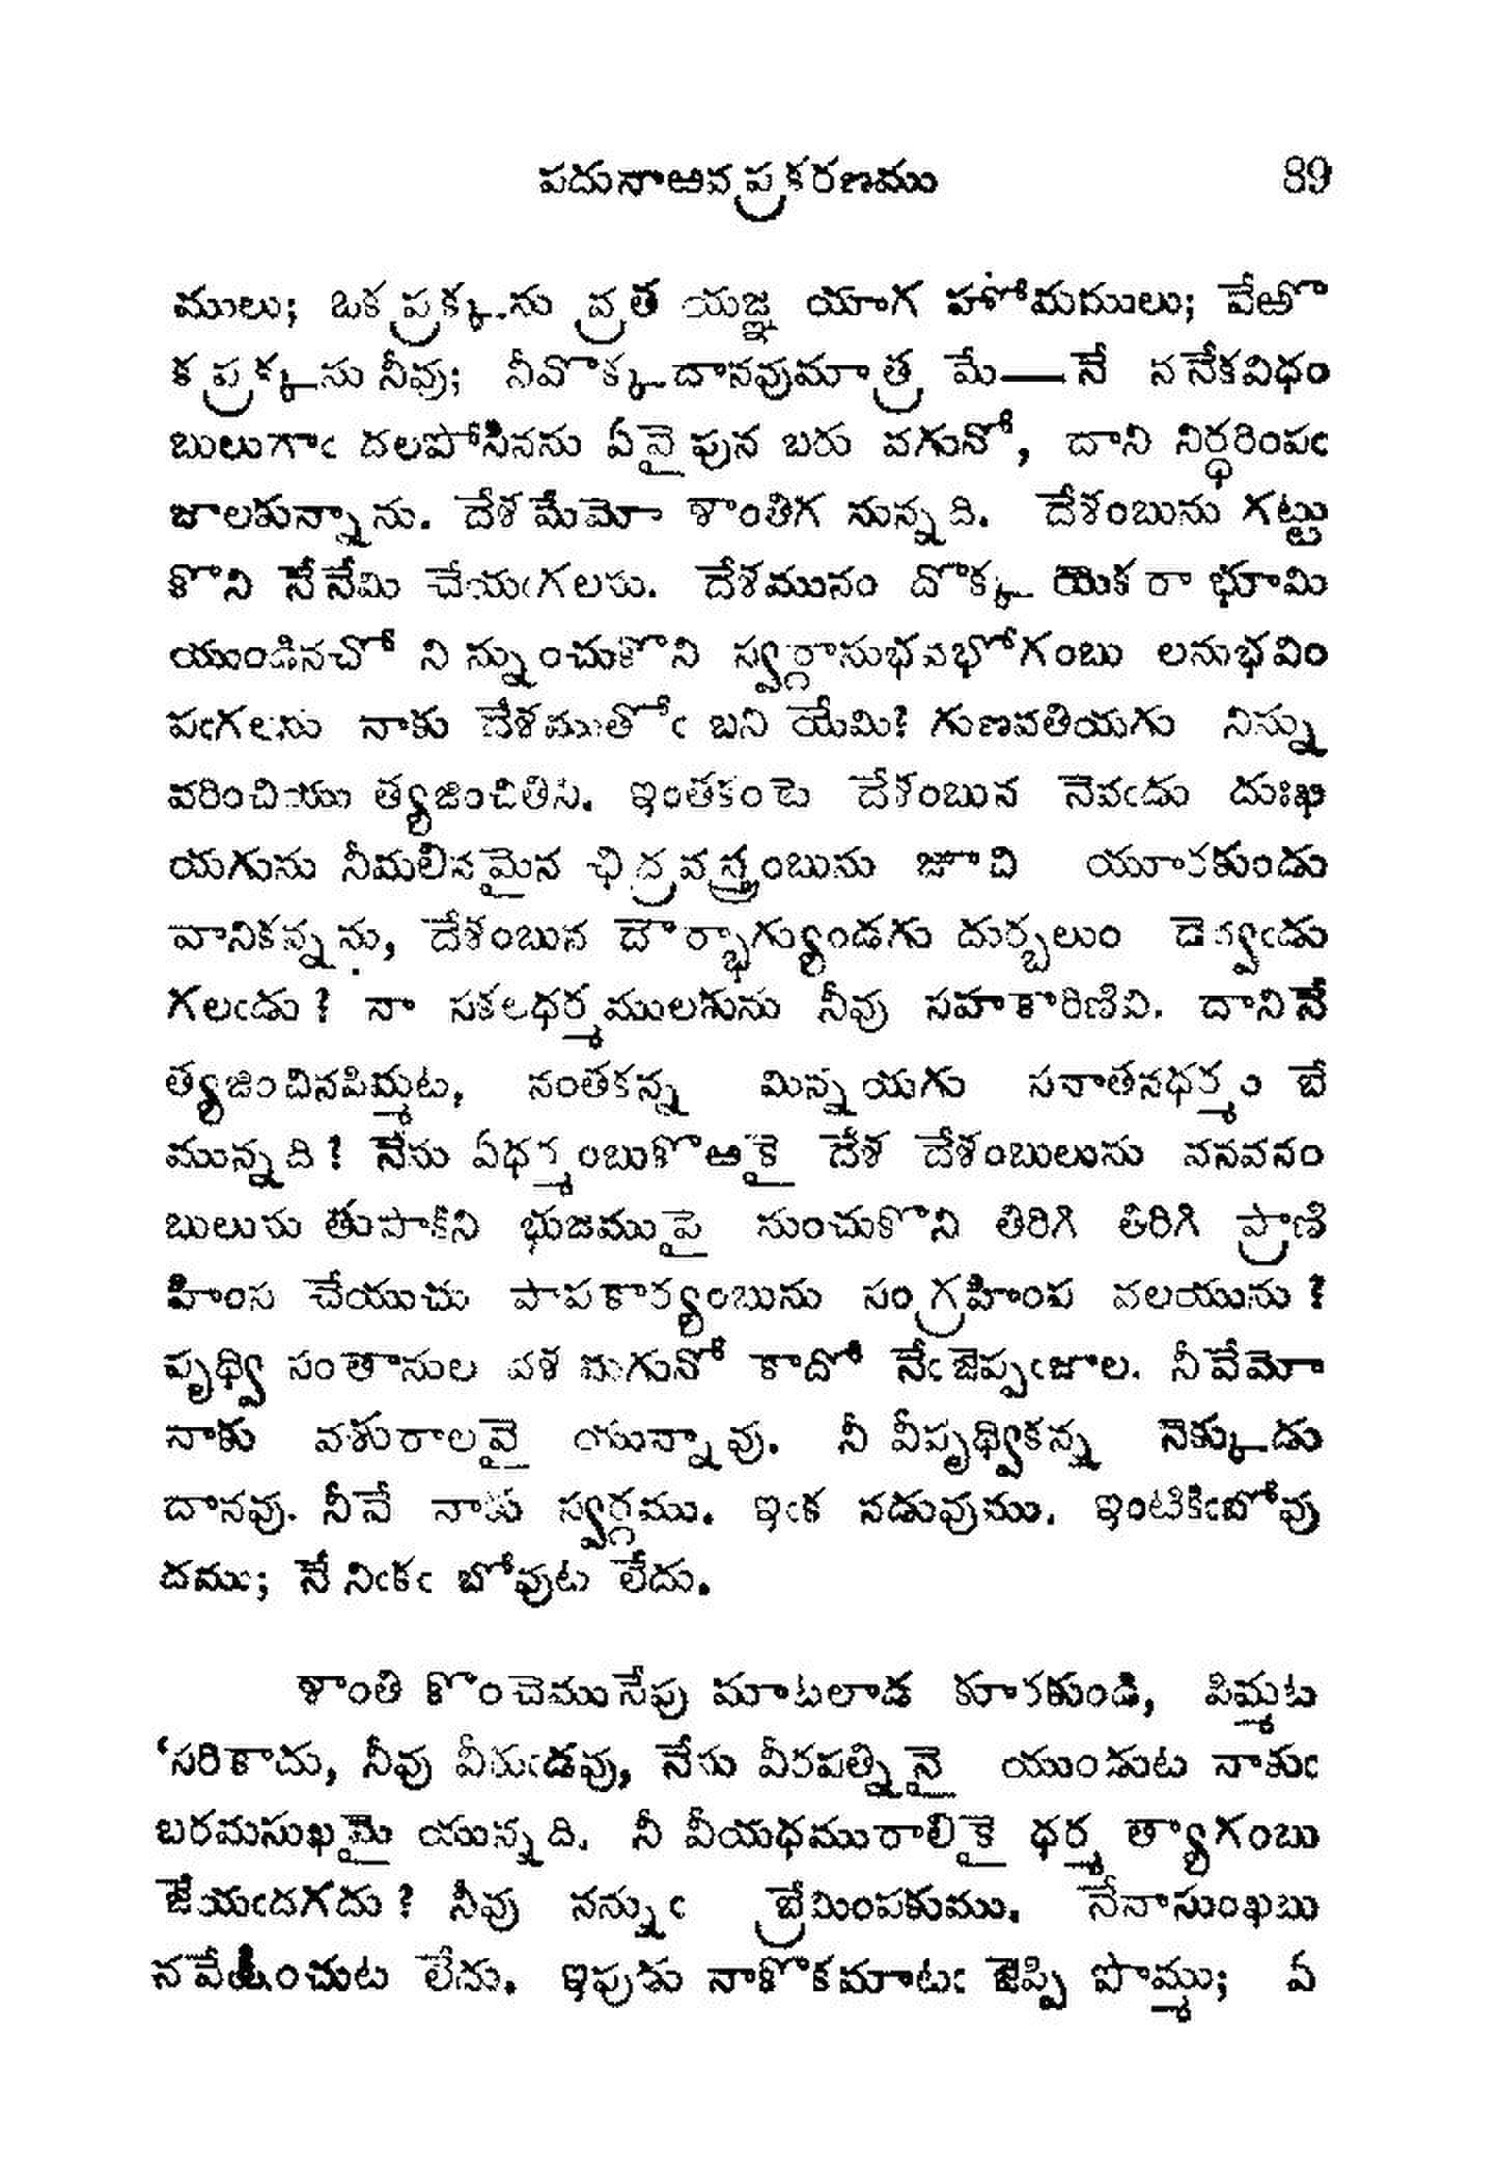ములు; ఒక ప్రక్కను వ్రత యజ్ఞ యాగ హోమములు; వేఱోక ప్రక్కను నీవు; నీవొక్క దానవుమాత్ర మే——నే ననేకవిధం
బులుగాఁ దలపోసినను ఏవైపున బరు వగునో, దాని నిర్ధరింపఁ జాలకున్నాను. దేశమేమో శాంతిగ నున్నది. దేశంబును గట్టుకొని నేనేమి చేయఁగలను. దేశమునం దొక్క. యెకరా భూమి యుండినచో నిన్నుంచుకొని స్వర్గానుభవభోగంబు లనుభవింపఁగలను నాకు దేశముతోఁ బని యేమి? గుణవతియగు నిన్ను వరించియు త్యజించితిని. ఇంతకంటే దేశంబున నెవఁడు దుఃఖియగును నీమలినమైన ఛిద్ర వస్త్రంబును జూచి యూరకుండు వానికన్నను, దేశంబున దౌర్భాగ్యుండగు దుర్బలుం డెవ్వడు గలఁడు ! నా సకలధర్మములకును. నీవు సహకారిణివి. దానినే త్యజించిన పిమ్మట, నంతకన్న మిన్నయగు సనాతనధర్మం బేమున్నది . నేను ఏధర్మంబు కోఱకై దేశ దేశంబులును వనవనంబులును తుపాకీని భుజము పై నుంచుకొని తిరిగి తిరిగి ప్రాణి హింస చేయుచు పాప కార్యంబును సంగ్రహింప వలయును ? పృథ్వి సంతానుల వశమగునో కాదో నేఁ జెప్పఁజాల. నీవేమో నాకు వశురాలవై యున్నావు. నీ వీపృథ్వికన్న నెక్కుడు దానవు. నీవే నాకు స్వర్గము. ఇఁక నడువుము. ఇంటికిఁబోవుదము; నే నిఁకఁ బోవుట లేదు.

శాంతి కొంచెము సేపు మాటలాడ కూరకుండి, పిమ్మట 'సరి కాదు, నీవు వీరుఁడవు, నేను వీరపత్నినై యుండుట నాకుఁ
బరమసుఖమై యున్నది. నీ వీయధమురాలికై ధర్మ త్యాగంబు జేయఁదగదు ? నీవు నన్నుఁ ప్రేమింపకుము, నేనా సుఖంబు
నపేక్షించుట లేదు. ఇపుకు నాకొకమాటఁ జెప్పి పొమ్ము; ఏ